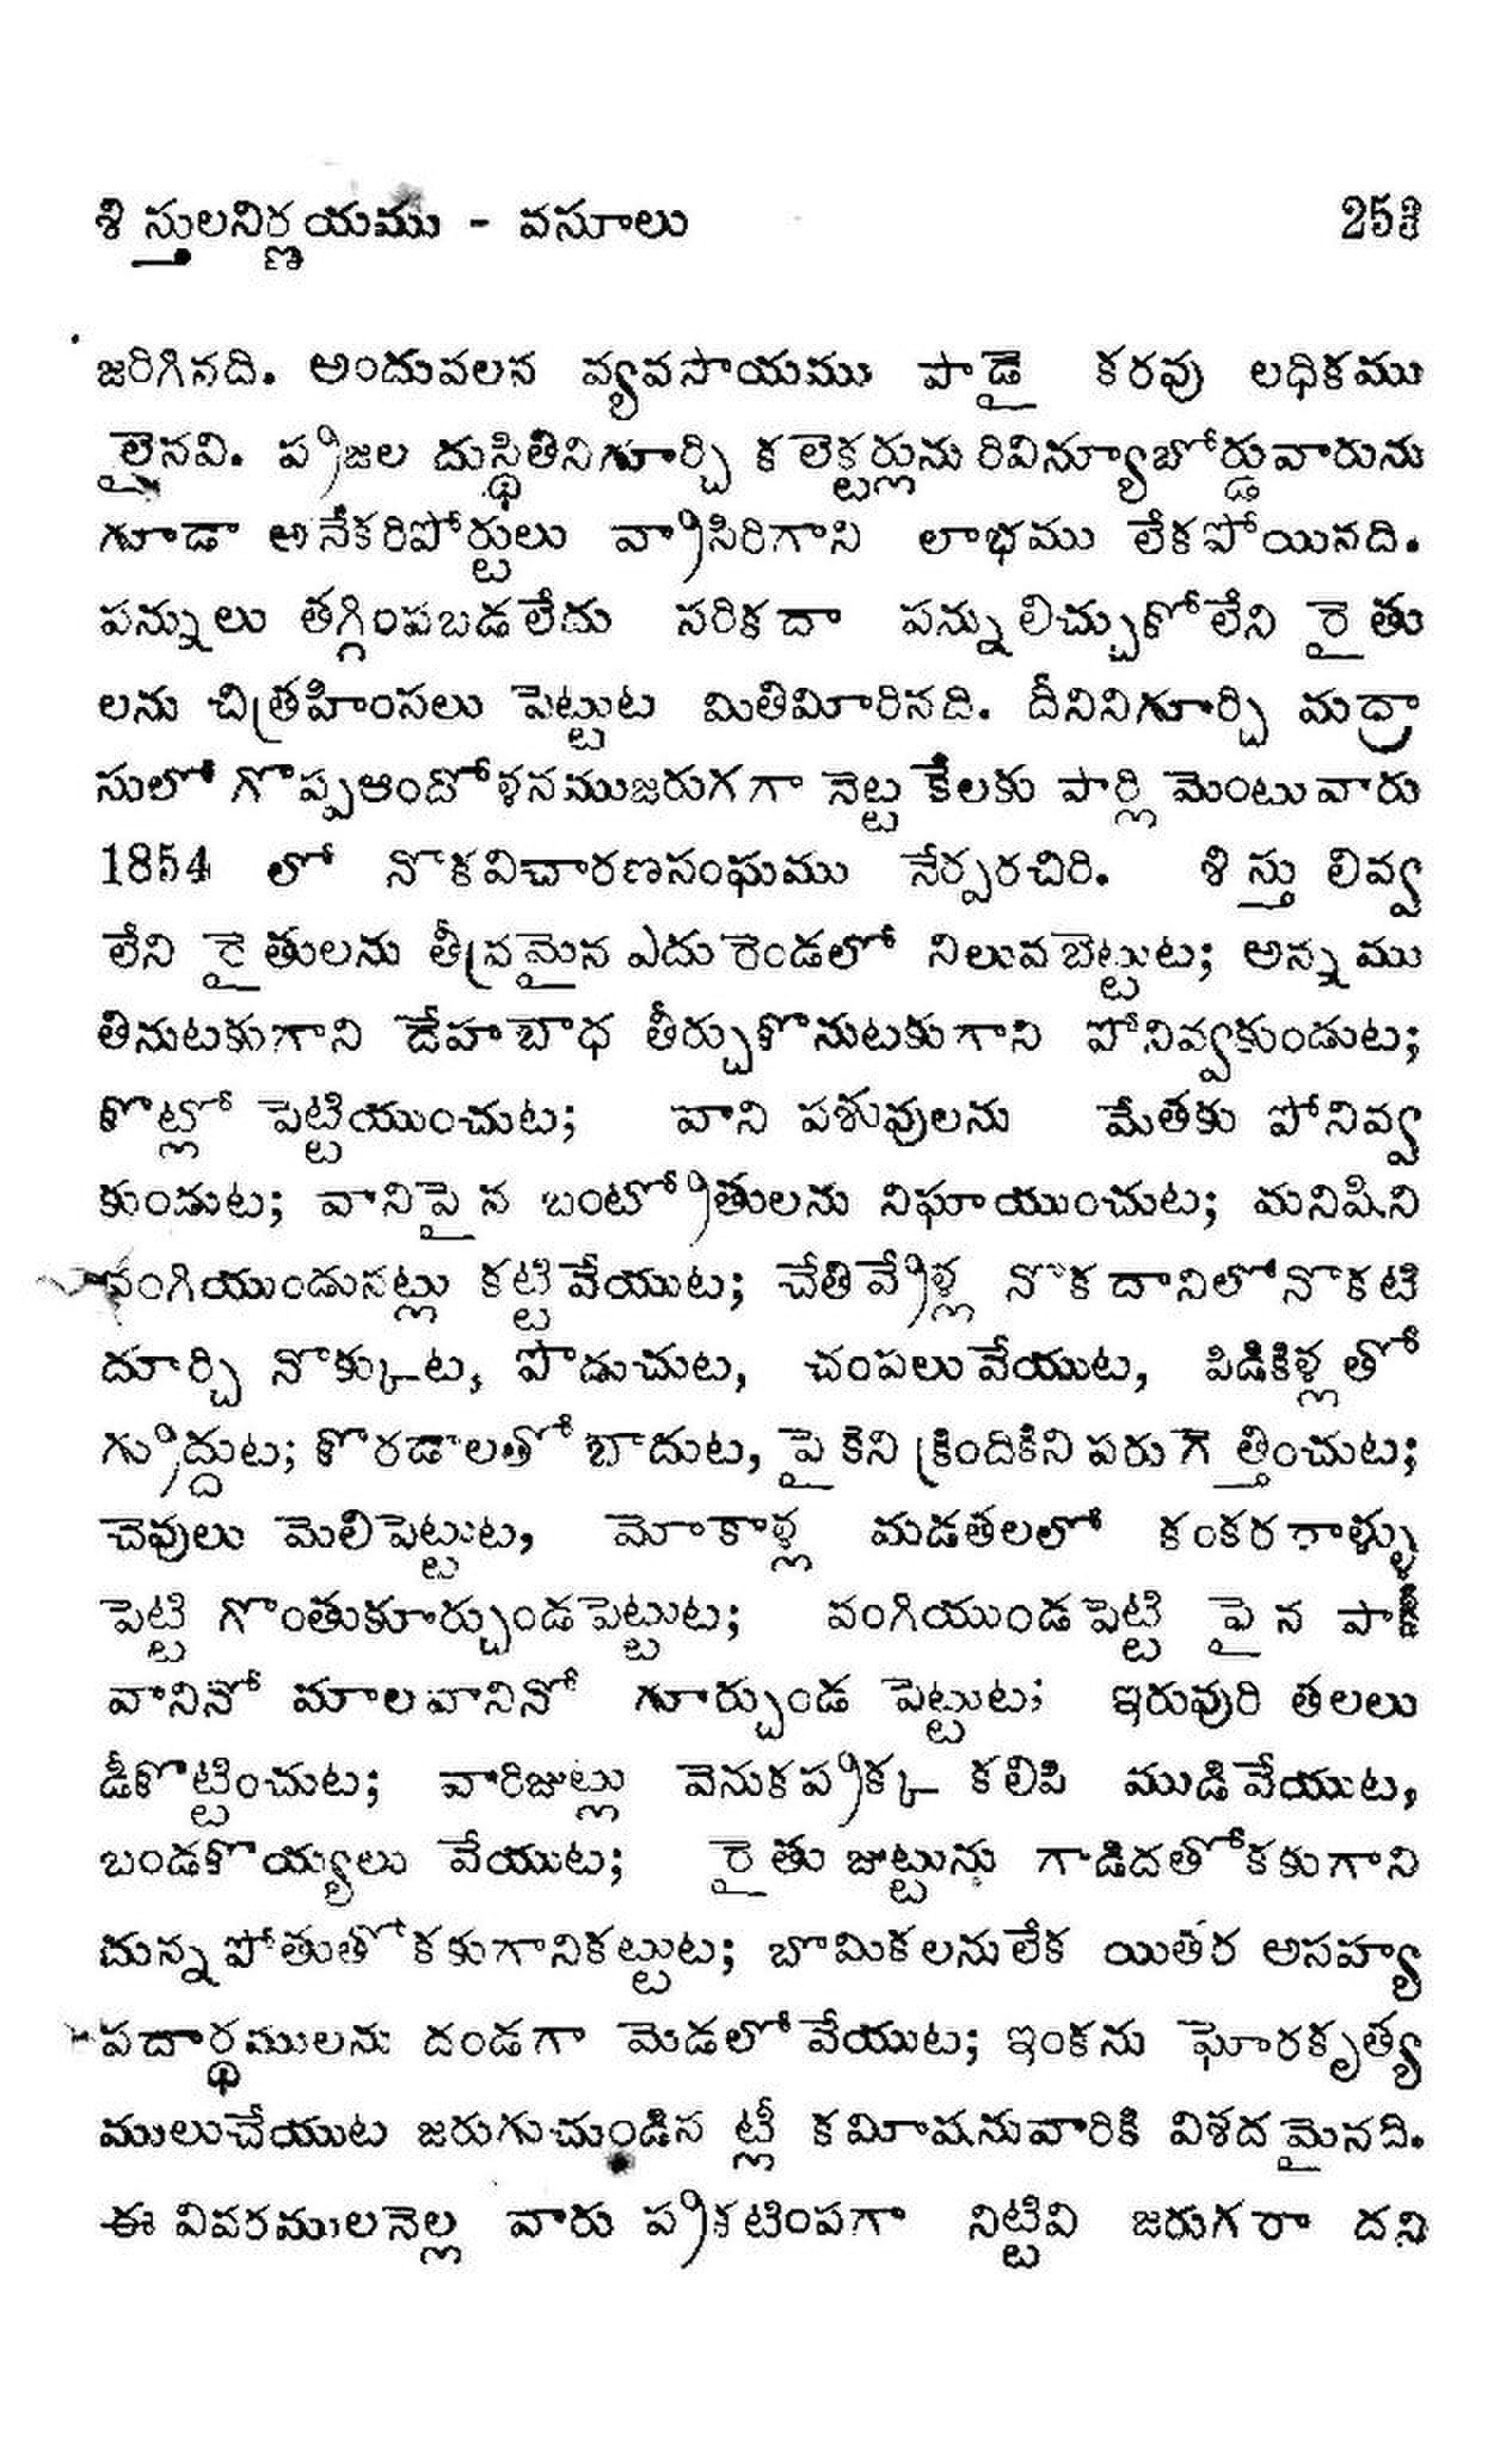జరిగినది. అందువలన వ్యవసాయము పాడై కరవు లధికములైనవి. ప్రజల దుస్థితిని గూర్చి కలెక్టర్లును రివిన్యూబోర్డువారును గూడా అనేక రిపోర్టులు వ్రాసిరిగాని లాభము లేకపోయినది. పన్నులు తగ్గింపబడలేదు సరికదా పన్నులిచ్చుకోలేని రైతులను చిత్రహింసలు పెట్టుట మితిమీరినది. దీనిని గూర్చి మద్రాసులో గొప్పఆందోళనముజరుగగా నెట్టికేలకు పార్లిమెంటువారు 1854 లో నొకవిచారణసంఘము నేర్పరచిరి. శిస్తు లివ్వలేని రైతులను తీవ్రమైన ఎదురెండలో నిలువబెట్టుట; అన్నము తినుటకుగాని దేహబాధ తీర్చుకొనుటకుగాని పోనివ్వకుండుట; కొట్లో పెట్టియుంచుట; వాని పశువులను మేతకు పోనివ్వకుండుట; వానిపైన బంట్రోతులను నిఘాయుంచుట; మనిషిని వంగియుండునట్లు కట్టివేయుట; చేతివ్రేళ్ల నొకదానిలోనొకటి దూర్చి నొక్కుట, పొడుచుట, చంపలువేయుట, పిడికిళ్లతో గ్రుద్దుట; కొరడాలతో బాదుట, పైకిని క్రిందికిని పరుగెత్తించుట; చెవులు మెలిపెట్టుట, మోకాళ్ల మడతలలో కంకరరాళ్ళు పెట్టి గొంతుకూర్చుండపెట్టుట; వంగియుండపెట్టి ఫైన పాకీవానినో మాలవానినో గూర్చుండ పెట్టుట; ఇరువురి తలలు డీకొట్టించుట; వారిజుట్లు వెనుకప్రక్క కలిపి ముడివేయుట, బండకొయ్యలు వేయుట; రైతు జుట్టును గాడిదతోకకుగాని దున్నపోతుతోకకుగానికట్టుట; బొమికలనులేక యితర అసహ్యపదార్దములను దండగా మెడలోవేయుట; ఇంకను ఘోరకృత్యములుచేయుట జరుగుచుండిన ట్లీ కమీషనువారికి విశదమైనది. ఈ వివరములనెల్ల వారు ప్రకటింపగా నిట్టివి జరుగరా దని